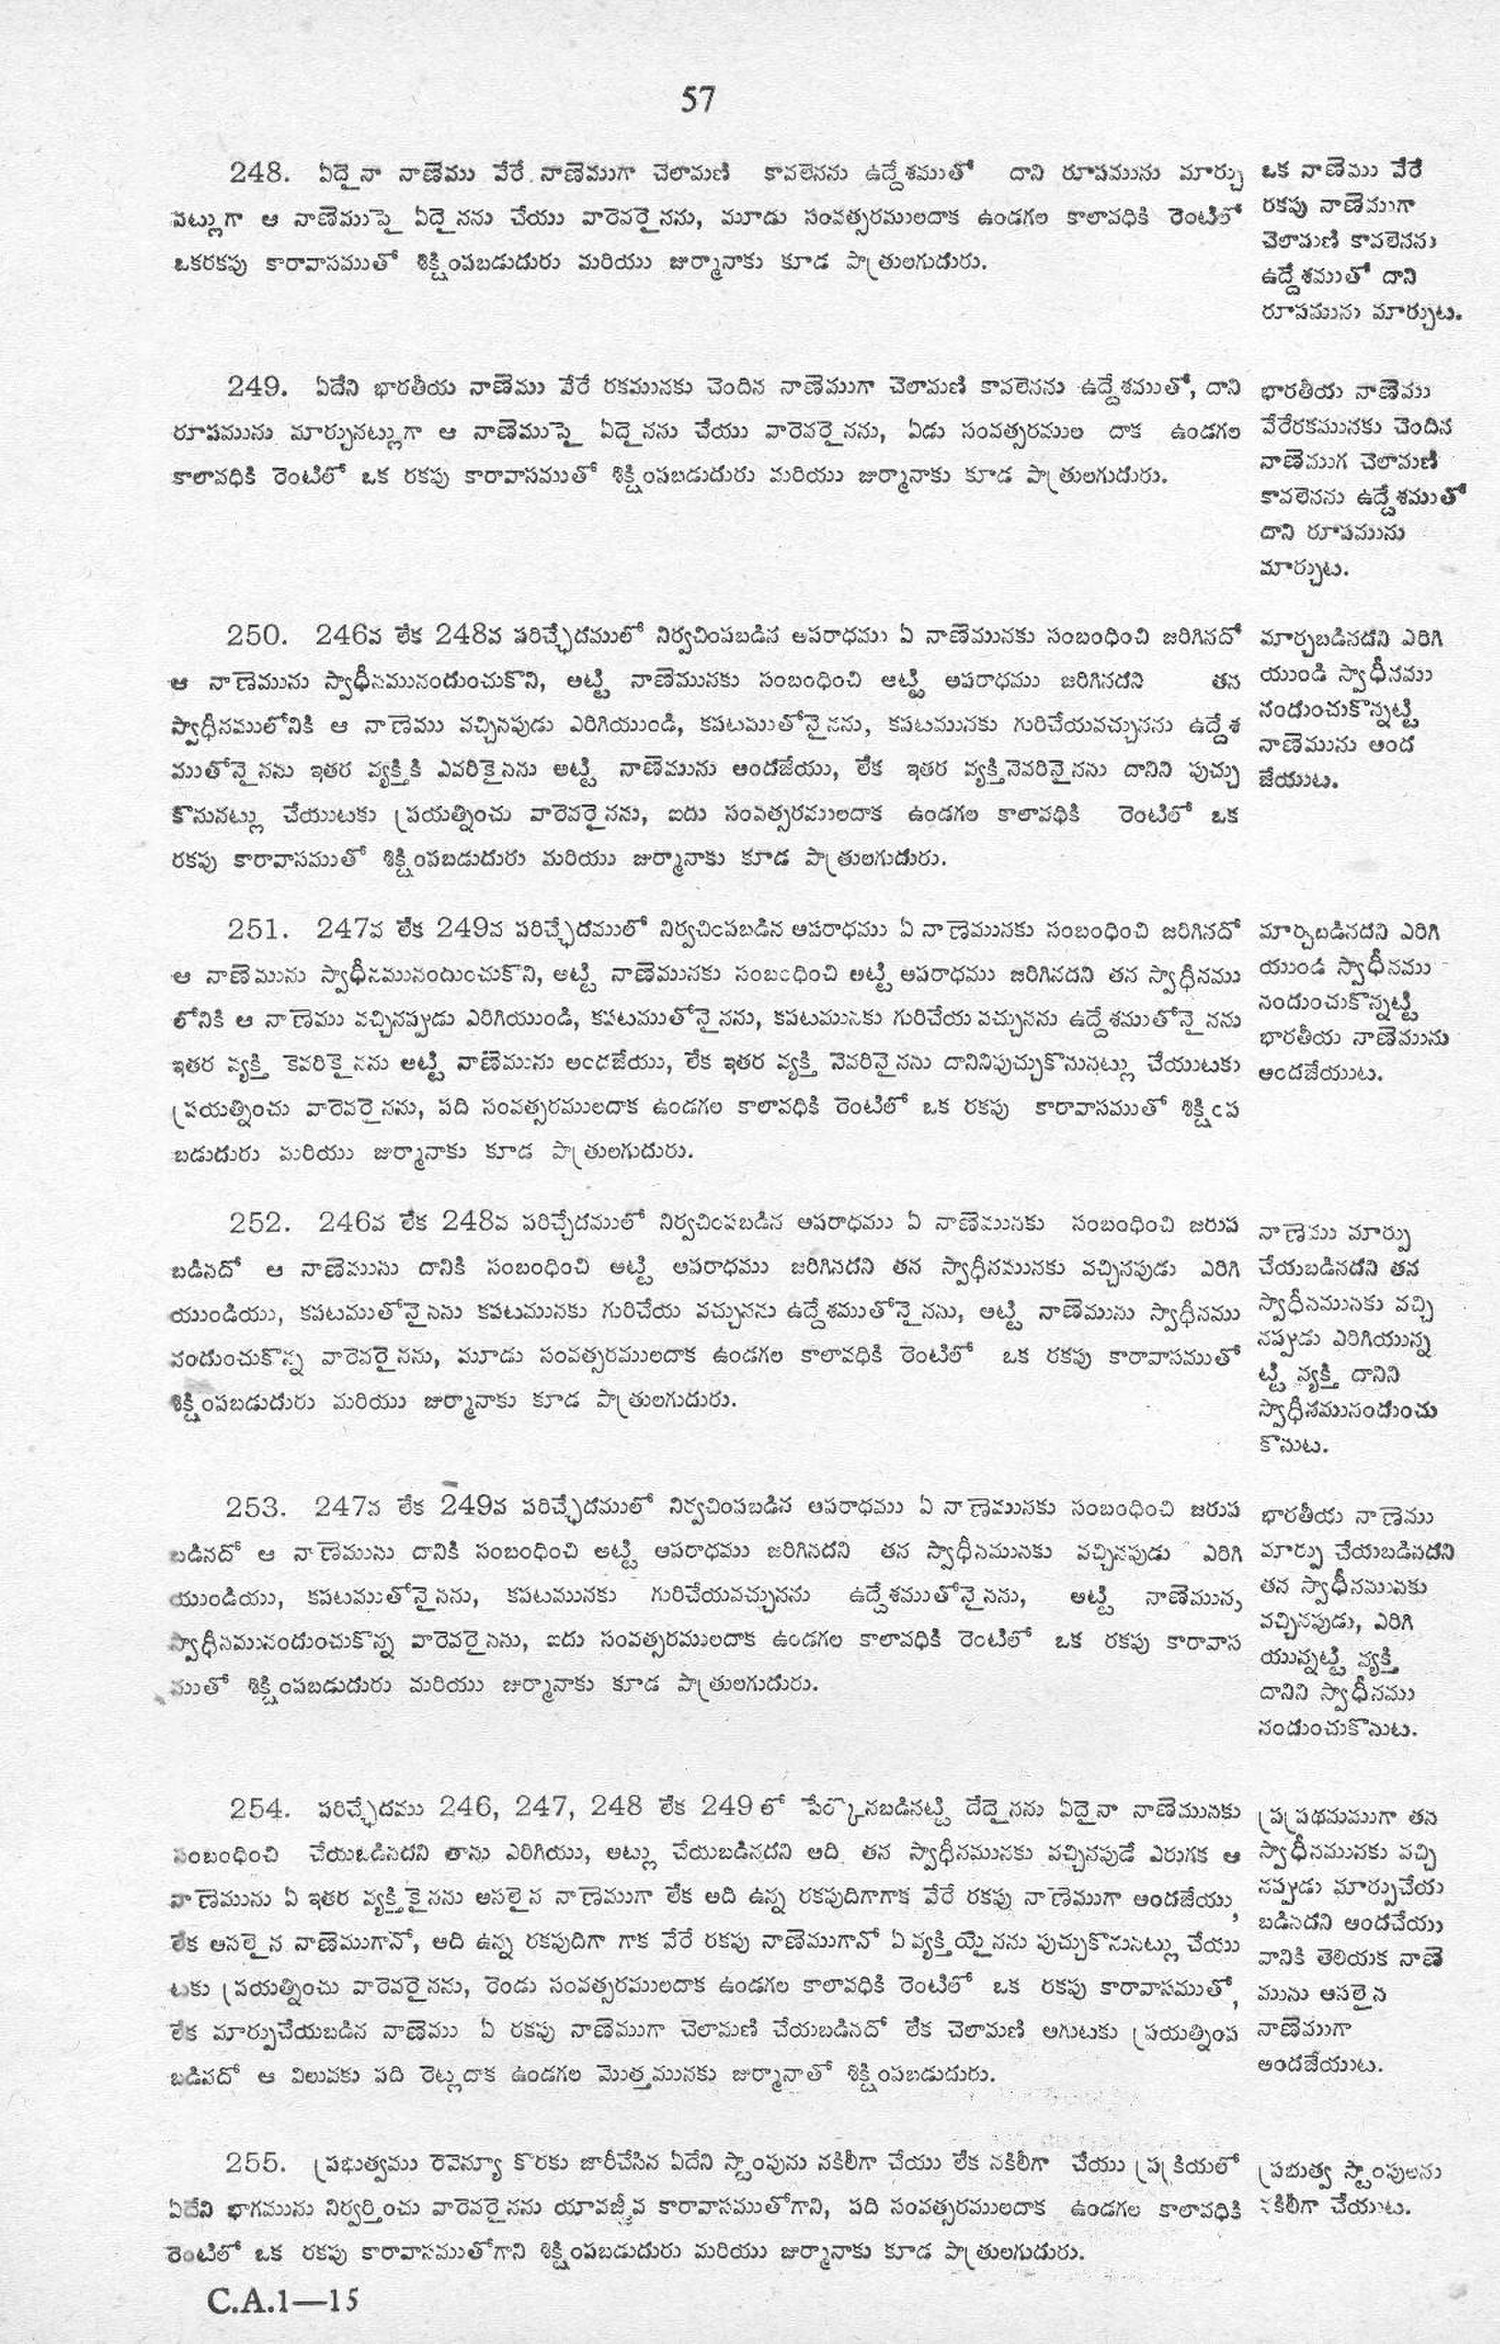ఒక నాణెము వేరే రకపు నాణెముగా చెలామణి కావలెనను ఉద్దేశముతో దాని రూపమును మార్చుట.

248. ఏదైనా నాణేము వేరే, నాణెముగా చెలామణి కావలెనను ఉద్దేశముతో దాని రూపమును మార్చునట్టుగా ఆ నాణెము పై ఏదైనను చేయు వారెవరైనను, మూడు సంవత్సరములదాక ఉండగల కాలావధికి రెంటిలో ఒకరకపు కారావాసముతో శిక్షింపబడుదురు మరియు జుర్మానాకు కూడ పాత్రులగుదురు.

భారతీయ నాణెము వేరేరకమునకు చెందిన నాణెముగ చెలామణి కావలెనను ఉద్దేశముతో దాని రూపమును మార్చుట.

249. ఏదేని భారతీయ నాణేము వేరే రకమునకు చెందిన నాణెముగా చెలామణి కావలెనను ఉద్దేశముతో, దాని రూపమును మార్చునట్లుగా ఆ నాణెము పై ఏదైనను చేయు వారెవరైనను, ఏడు సంవత్సరముల దాక ఉండగల కాలావధికి రెంటిలో ఒక రకపు కారావాసముతో శిక్షింపబడుదురు మరియు జుర్మానాకు కూడ పాత్రులగుదురు.

మార్చబడినదని ఎరిగియుండి స్వాధీనము నందుంచుకొన్నట్టి నాణెమును అందజేయుట

250. 246వ లేక 248వ పరిచ్ఛేదములో నిర్వచింపబడిన అపరాధము ఏ నాణెమునకు సంబంధించి జరిగినదో ఆ నాణెమును స్వాధీనము నందుంచుకొని, అట్టి నాణెమునకు సంబంధించి అట్టి అపరాధము జరిగినదని తన స్వాధీనములోనికి ఆ నాణెము వచ్చినపుడు ఎరిగియుండి, కపటముతోనైనను, కపటమునకు గురిచేయవచ్చునను ఉద్దేశముతోనై నను ఇతర వ్యక్తి కి ఎవరికైనను అట్టి నాణెమును అందజేయు, లేక ఇతర వ్యక్తి నెవరినై నను దానిని పుచ్చుకొనునట్లు చేయుటకు ప్రయత్నించు వారెవరైనను, ఐదు సంవత్సరములదాక ఉండగల కాలావధికి రెంటిలో ఒక రకపు కారావాసముతో శిక్షింపబడుదురు మరియు జుర్మానాకు కూడ పాత్రులగుదురు.

మార్చిబడినదని ఎరిగియుండి స్వాధీనము నందుంచుకొన్నట్టి భారతీయ నాణెమును అందజేయుట.

251. 247వ లేక 249వ పరిచ్ఛేదములో నిర్వచింపబడిన ఆపరాధము ఏ నాణెమునకు సంబంధించి జరిగినదో ఆ నాణెమును స్వాధీనము నందుంచుకొని, అట్టి నాణెమునకు సంబంధించి అట్టి అపరాధము జరిగినదని తన స్వాధీనము లోనికి ఆ నాణెము వచ్చినప్పుడు ఎరిగియుండి, కపటముతోనైనను, కపటమునకు గురిచేయ వచ్చునను ఉద్దేశము తోనై నను ఇతర వ్యక్తి కెవరికై నను అట్టి నాణెమును అందజేయు, లేక ఇతర వ్యక్తి నెవరినై నను దానిని పుచ్చుకొనునట్లు చేయుటకు ప్రయత్నించు వారెవరైనను, పది సంవత్సరములదాక ఉండగల కాలావధికి రెంటిలో ఒక రకపు కారావాసముతో శిక్షింపబడుదురు మరియు జుర్మానాకు కూడ పాత్రులగుదురు.

నాణెము మార్పుచేయబడినదని తన స్వాధీనమునకు వచ్చినప్పుడు ఎరిగియున్నట్టి వ్యక్తి దానిని స్వాధీనము నందుంచుకొనుట.

252. 246వ లేక 248వ పరిచ్చేదములో నిర్వచింపబడిన అపరాధము ఏ నాణెమునకు సంబంధించి జరుపబడినదో ఆ నాణెమును దానికి సంబంధించి అట్టి అపరాధము జరిగినదని తన స్వాధీనమునకు వచ్చినపుడు ఎరిగి యుండియు), కపటముతోనై నను కపటమునకు గురిచేయ వచ్చునసు ఉద్దేశముతోనైనను, అట్టి నాణెముసు స్వాధీనము నందుంచుకొన్న వారెవరైనను, మూడు సంవత్సరములదాక ఉండగల కాలావధికి రెంటిలో ఒక రకపు కారావాసముతో శిక్షింపబడుదురు మరియు జుర్మానాకు కూడ పాత్రులగుదురు.

భారతీయ నాణెము మార్పు చేయబడినదని తన స్వాధీనమునకువచ్చినపుడు, ఎరిగియున్నట్టి వ్యక్తి దానిని స్వాధీనము నందుంచుకొనుట.

253. 247వ లేక 249వ పరిచ్ఛేదములో నిర్వచింపబడిన ఆపరాధము ఏ నాణెమునకు సంబంధించి జరుపబడినదో ఆ నాణెములు దానికి సంబంధించి అట్టి ఆపరాధము జరిగినదని తన స్వాధీనమునకు వచ్చినపుడు ఎరిగి యుండియు, కపటముతోనైనను, కపటమునకు గురిచేయవచ్చునను ఉద్దేశముతోనై నను, అట్టి నాణెమును, స్వాధీనమునందుంచుకొన్న వారెవరైనను, ఐదు సంవత్సరములదాక ఉండగల కాలావధికి రెంటిలో ఒక రకపు కారావాసముతో శిక్షింపబడుదురు మరియు జుర్మానాకు కూడ పాత్రులగుదురు.

ప్రప్రథమముగా తన స్వాధీనమునకు వచ్చినప్పుడు మార్పుచేయుబడినదని ఆందచేయువానికి తెలియక నాణెమును అసలైన నాణెముగా
అందజేయుట.

254. పరిచ్ఛేదము 246, 247, 248 లేక 249 లో పేర్కొనబడినట్టి దేదైనను ఏదైనా నాణెమునకు సంబంధించి చేయబడినదని తాను ఎరిగియు, అట్లు చేయబడినదని అది. తన స్వాధీనమునకు వచ్చినపుడే ఎరుగక ఆ నాణెమును ఏ ఇతర వ్యక్తి కై నను అసలైన నాణెముగా లేక అది ఉన్న రకపుదిగాగాక వేరే రకపు నాణెముగా అందజేయు లేక ఆసలైన నాణెముగానో, అది ఉన్న రకపుదిగా గాక వేరే రకపు నాణెముగానో ఏ వ్యక్తి యై నను పుచ్చుకొనునట్లు చేయుటకు ప్రయత్నించు వారెవరైనను, రెండు సంవత్సరములదాక ఉండగల కాలావధికి రెంటిలో ఒక రకపు కారావాసముతో,
లేక మార్పుచేయబడిన నాణెము ఏ రకపు నాణెముగా చెలామణి చేయబడినదో లేక చెలామణి అగుటకు ప్రయత్నింప బడినదో ఆ విలువకు పది రెట్ల దాక ఉండగల మొత్తమునకు జుర్మానాతో శిక్షింపబడుదురు.

ప్రభుత్వ స్టాంపులను నకిలీగా చేయుట.

255. ప్రభుత్వము రెవెన్యూ కొరకు జారీచేసిన ఏదేని స్టాంపును నకిలీగా చేయు లేక నకిలీగా చేయు ప్రక్రియలో ఏదేని భాగమును నిర్వర్తించు వారెవరైనను యావజీవ కారావాసముతోగాని, పది సంవత్సరములదాక ఉండగల కాలావధికి రెంటిలో ఒక రకపు కారావాసముతో గాని శిక్షింపబడుదురు మరియు జుర్మానాకు కూడ పాత్రులగుదురు.